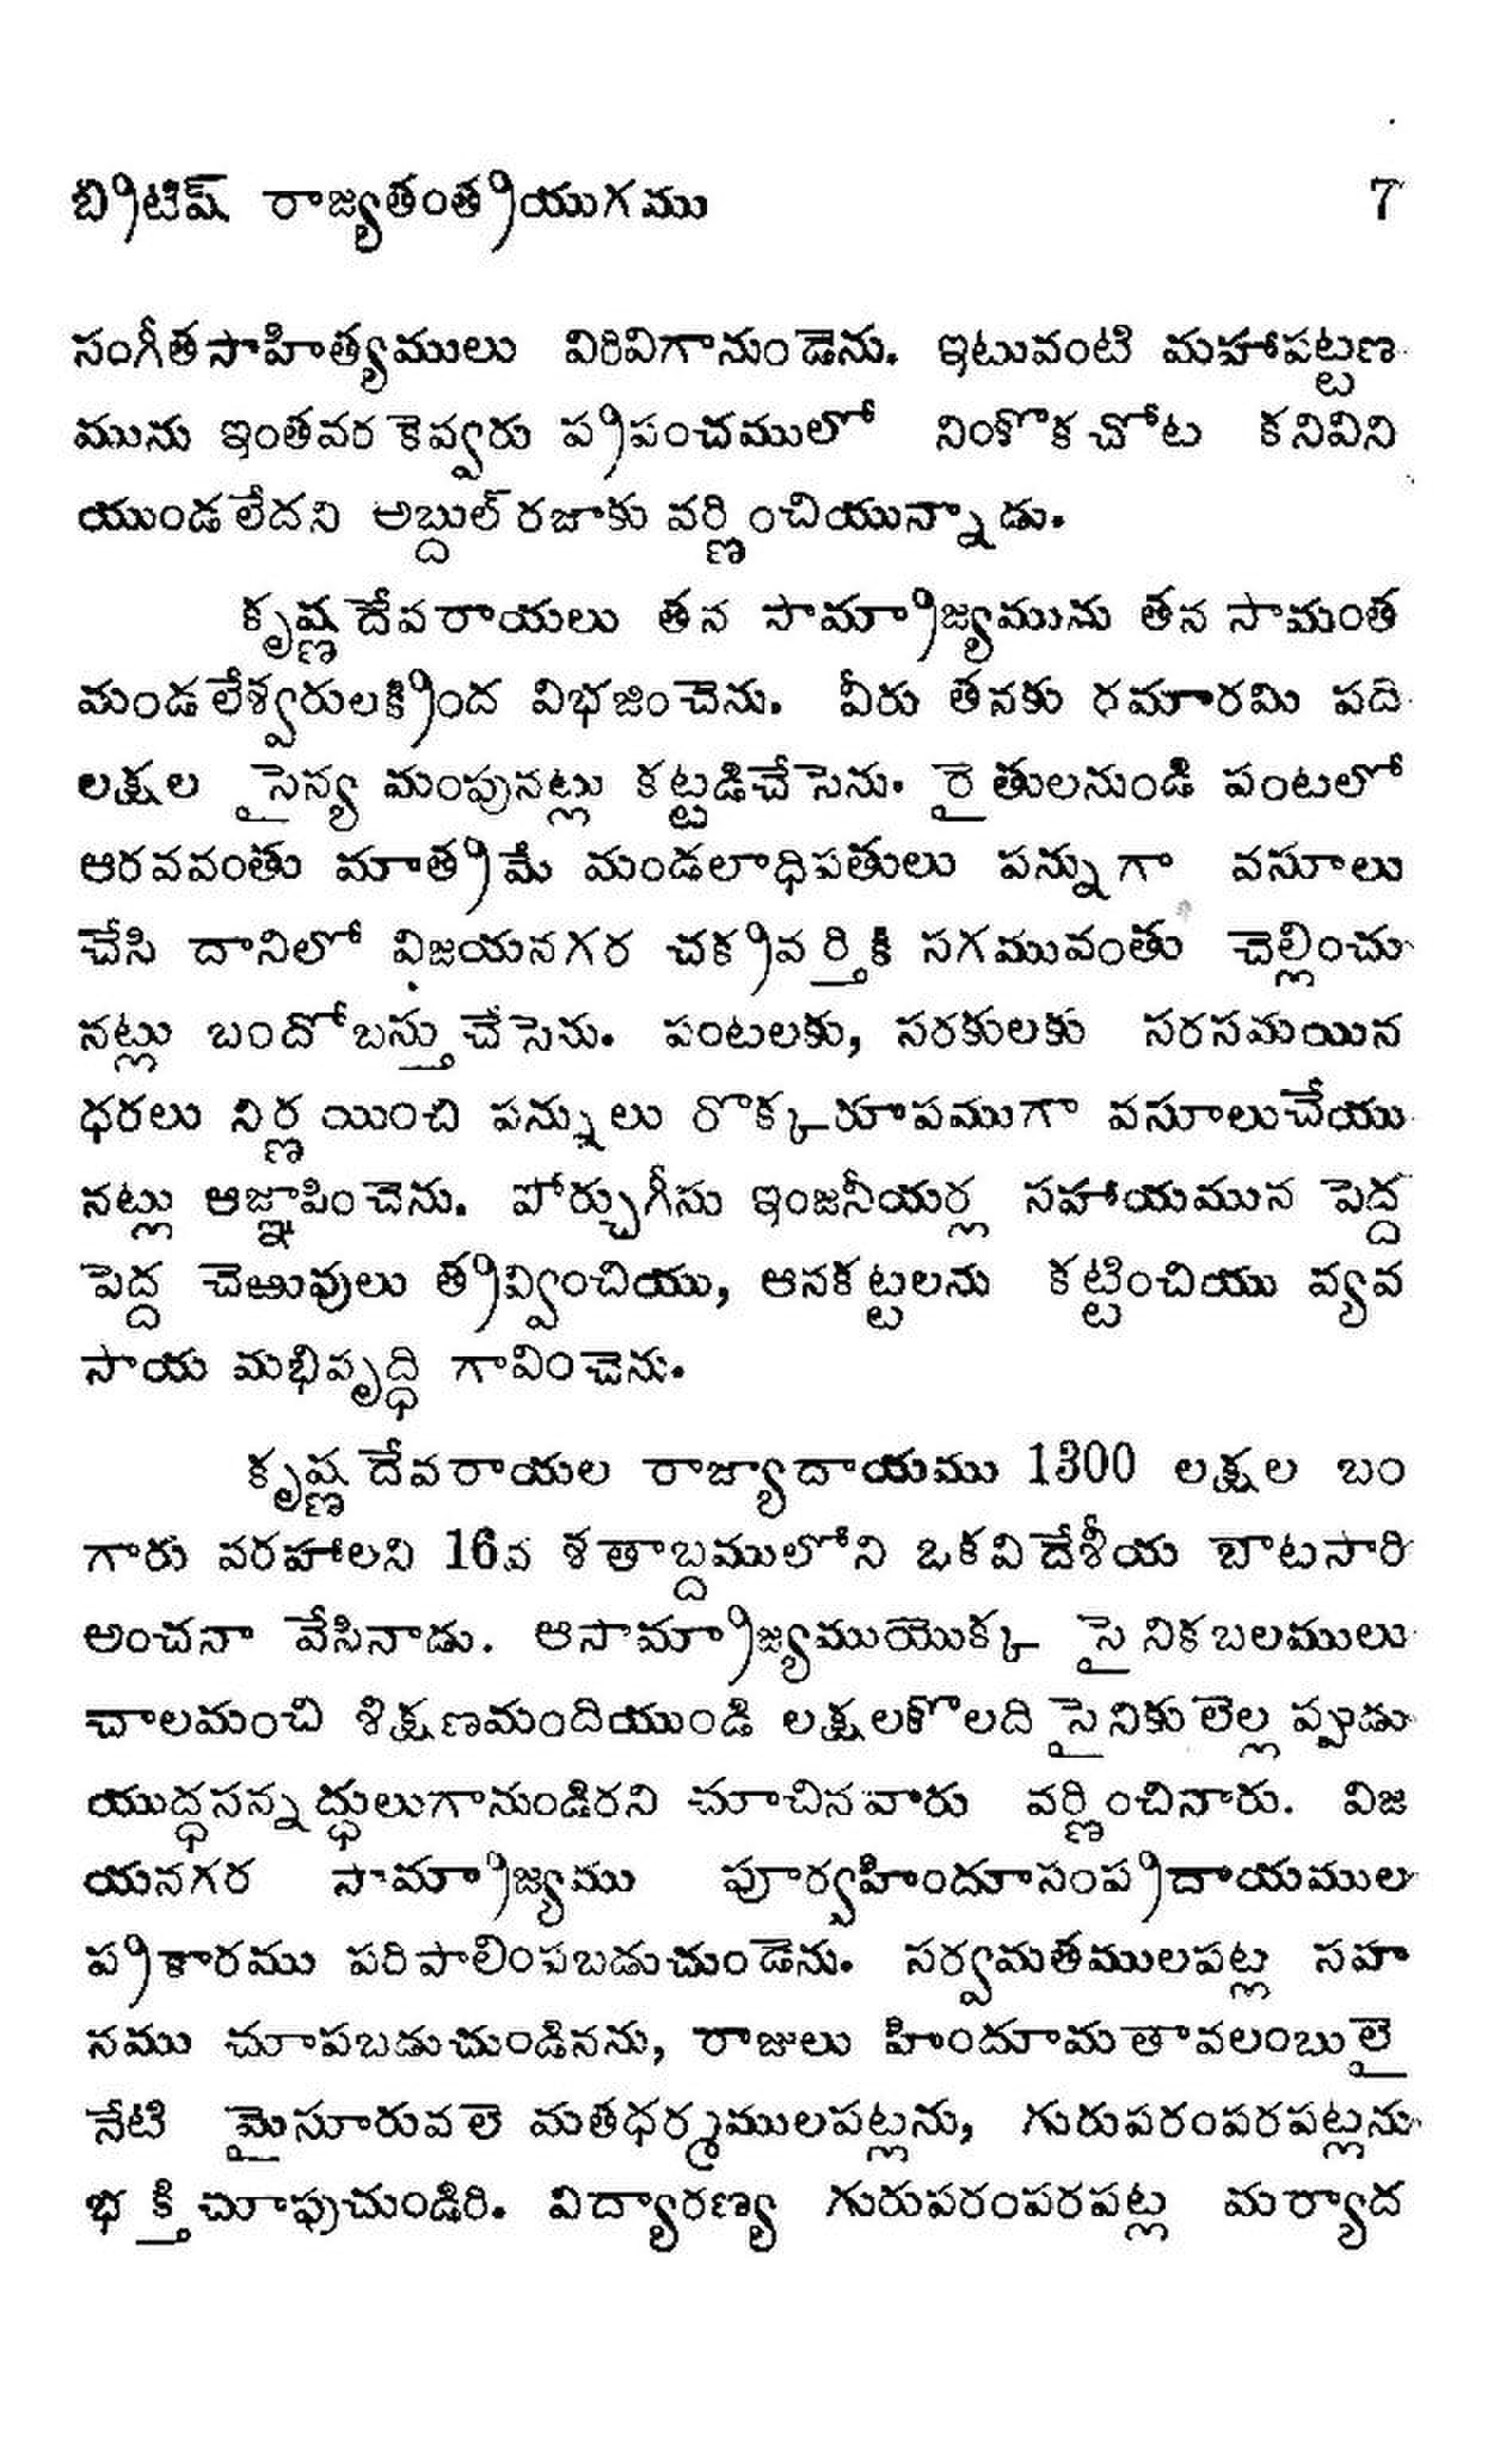సంగీతసాహిత్యములు విరివిగానుండెను. ఇటువంటి మహాపట్టణమును ఇంతవర కెవ్వరు ప్రపంచములో నింకొకచోట కనివిని యుండలేదని అబ్దుల్‌రజాకు వర్ణించి యున్నాడు. 

కృష్ణ దేవరాయలు తన సామ్రాజ్యమును తన సామంత మండలేశ్వరులక్రింద విభజించెను. వీరు తనకు రమారమి పది లక్షల సైన్య మంపునట్లు కట్టడిచేసెను. రైతులనుండి పంటలో ఆరవవంతు మాత్రమే మండలాధిపతులు పన్నుగా వసూలు చేసి దానిలో విజయనగర చక్రవర్తికి సగమువంతు చెల్లించునట్లు బందోబస్తుచేసెను. పంటలకు, సరకులకు సరసమయిన ధరలు నిర్ణ యించి పన్నులు రొక్కరూపముగా వసూలుచేయునట్లు ఆజ్ఞాపించెను. పోర్చుగీసు ఇంజనీయర్ల సహాయమున పెద్ద పెద్ద చెఱువులు త్రవ్వించియు, ఆనకట్టలను కట్టించియు వ్యవసాయ మభివృద్ధి గావించెను.

కృష్ణ దేవరాయల రాజ్యాదాయము 1300 లక్షల బంగారు వరహాలని 16వ శతాబ్దములోని ఒకవిదేశీయ బాటసారి అంచనా వేసినాడు. ఆసామ్రాజ్యము యొక్క సైనికబలములు చాలమంచి శిక్షణమందియుండి లక్షలకొలది సైనికులెల్లప్పుడు యుద్ధసన్నద్ధులుగానుండిరని చూచిన వారు వర్ణించినారు. విజయనగర సామ్రాజ్యము పూర్వహిందూసంప్రదాయముల ప్రకారము పరిపాలింపబడుచుండెను. సర్వమతములపట్ల సహనము చూపబడుచుండినను, రాజులు హిందూమతావలంబులై నేటి మైసూరువలె మతధర్మములపట్లను, గురుపరంపరపట్లను భక్తి చూపుచుండిరి. విద్యారణ్య గురుపరంపరపట్ల మర్యాద